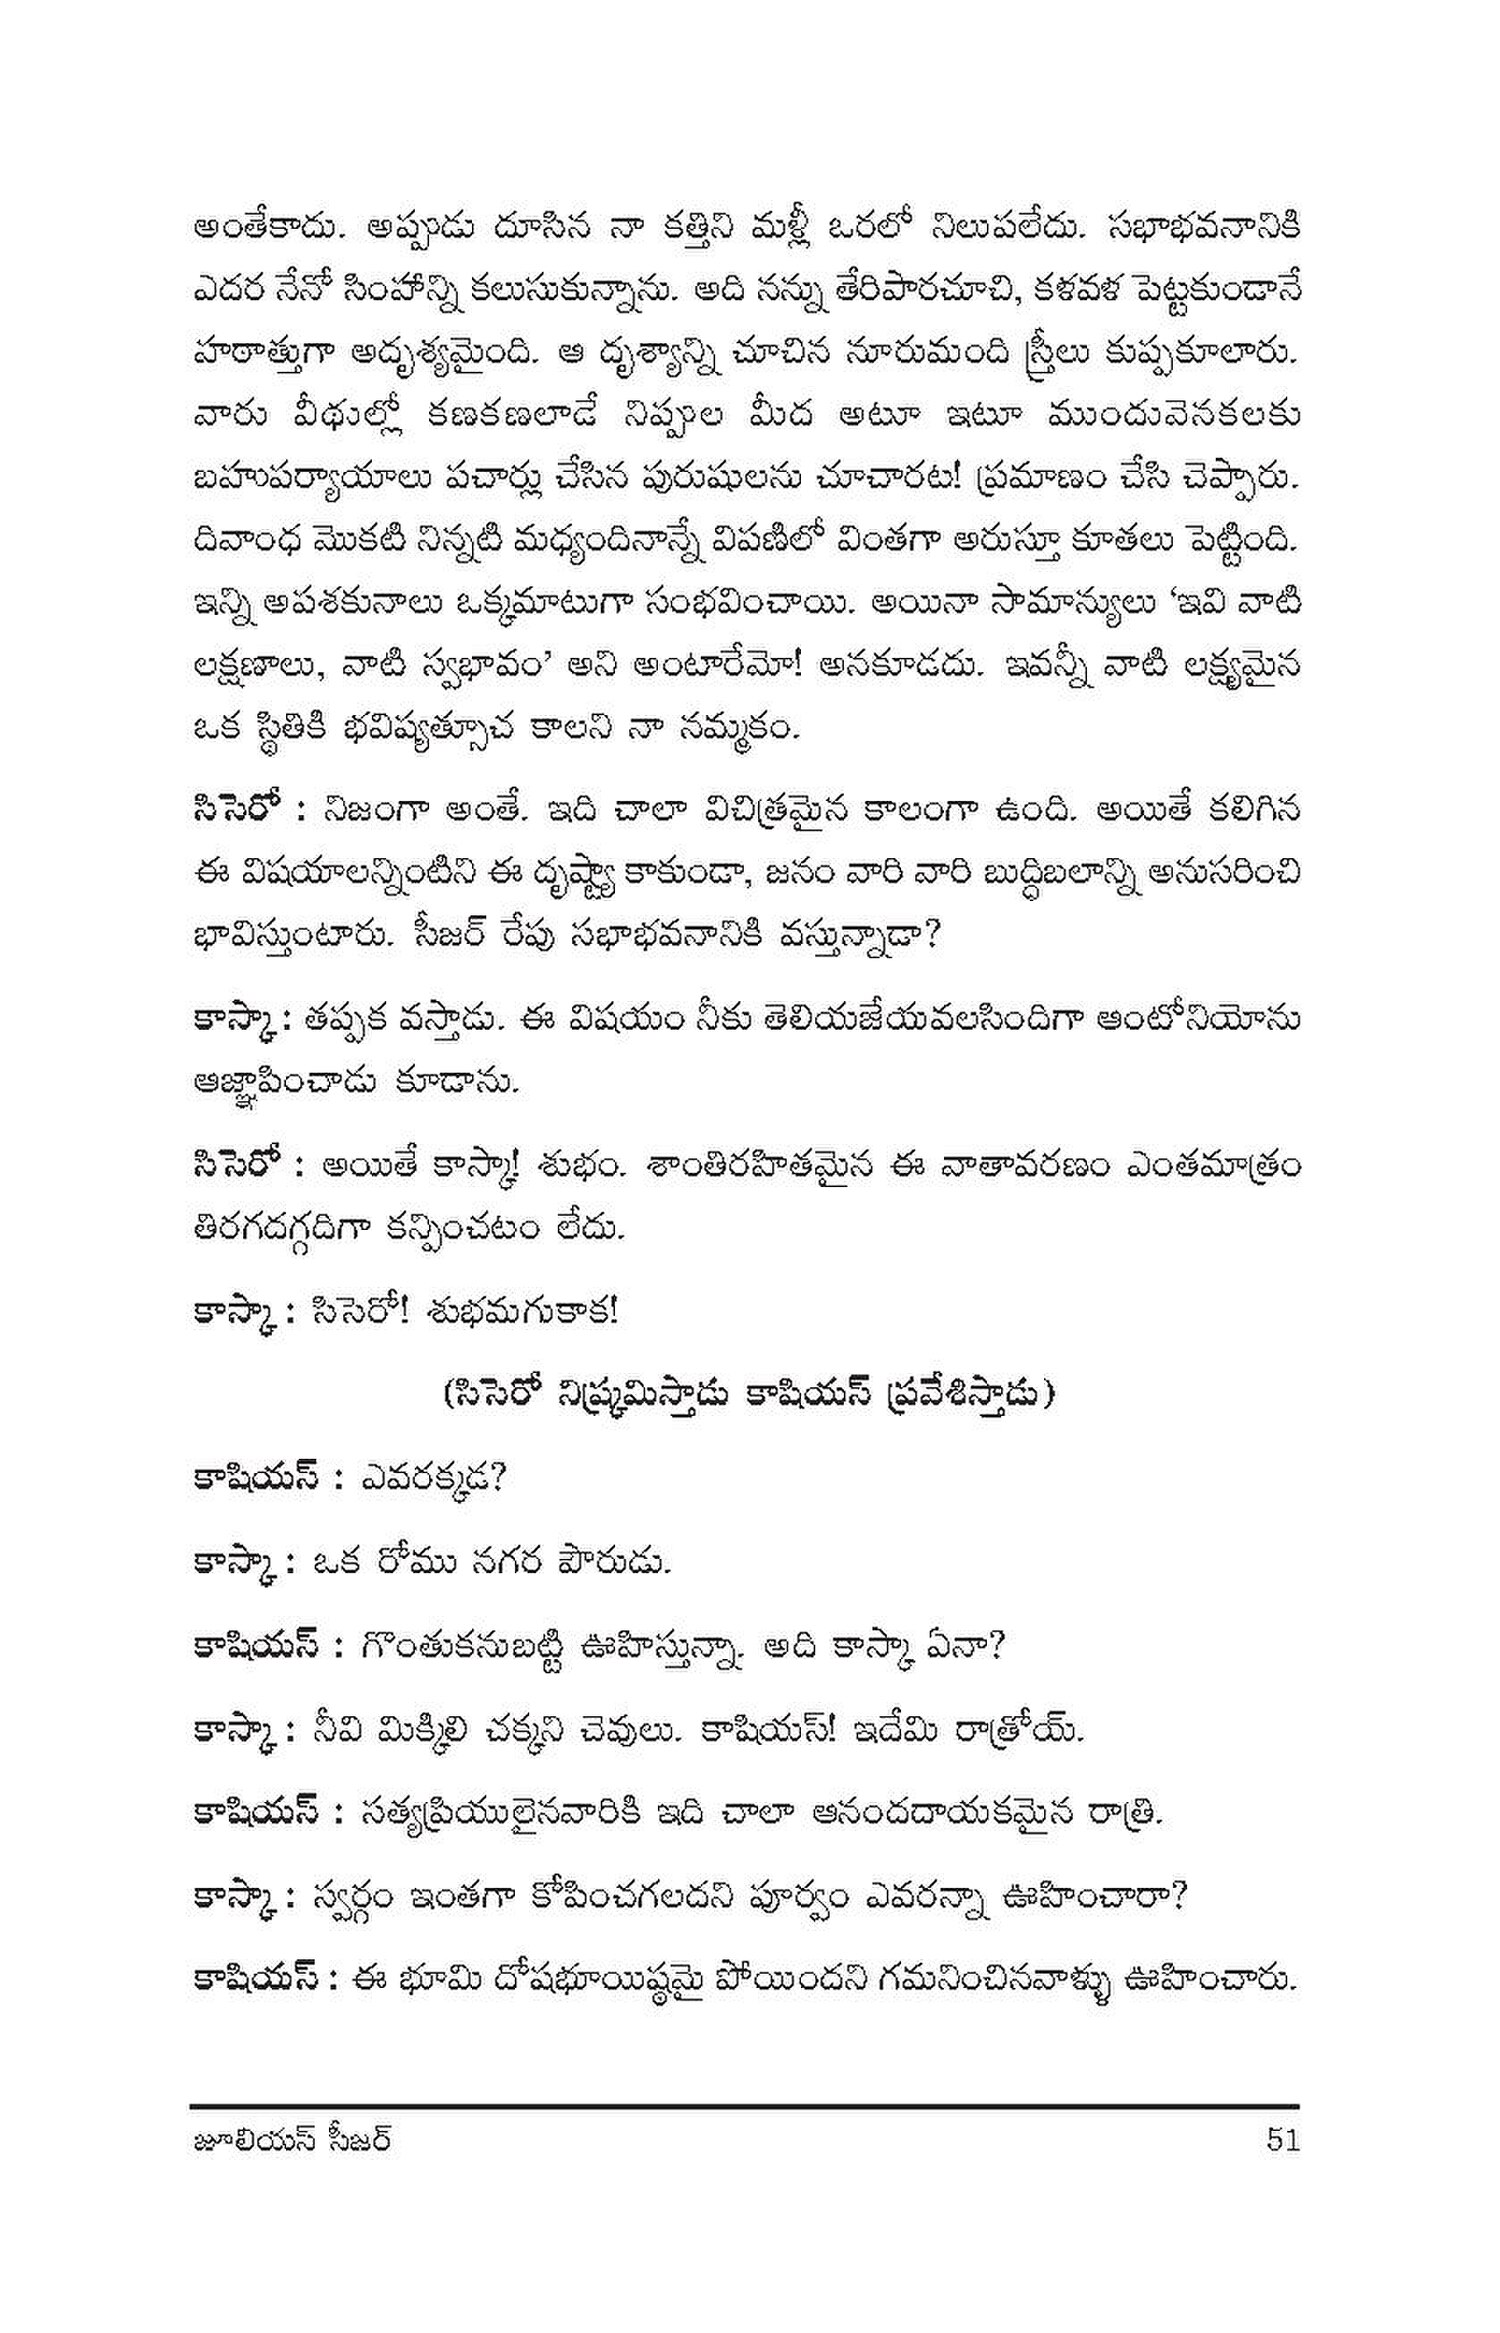అంతేకాదు. అప్పుడు దూసిన నా కత్తిని మళ్లీ ఒరలో నిలుపలేదు. సభాభవనానికి ఎదర నేనో సింహాన్ని కలుసుకున్నాను. అది నన్ను తేరిపారచూచి, కళవళ పెట్టకుండానే హఠాత్తుగా అదృశ్యమైంది. ఆ దృశ్యాన్ని చూచిన నూరుమంది స్త్రీలు కుప్పకూలారు. వారు వీథుల్లో కణకణలాడే నిప్పుల మీద అటూ ఇటూ ముందువెనకలకు బహుపర్యాయాలు పచార్లు చేసిన పురుషులను చూచారట! ప్రమాణం చేసి చెప్పారు. దివాంధ మొకటి నిన్నటి మధ్యందినాన్నే విపణిలో వింతగా అరుస్తూ కూతలు పెట్టింది. ఇన్ని అపశకునాలు ఒక్కమాటుగా సంభవించాయి. అయినా సామాన్యులు 'ఇవి వాటి లక్షణాలు, వాటి స్వభావం' అని అంటారేమో! అనకూడదు. ఇవన్నీ వాటి లక్ష్యమైన ఒక స్థితికి భవిష్యత్సూచ కాలని నా నమ్మకం.

సిసెరో : నిజంగా అంతే. ఇది చాలా విచిత్రమైన కాలంగా ఉంది. అయితే కలిగిన ఈ విషయాలన్నింటిని ఈ దృష్ట్యా కాకుండా, జనం వారి వారి బుద్ధిబలాన్ని అనుసరించి భావిస్తుంటారు. సీజర్ రేపు సభాభవనానికి వస్తున్నాడా?

కాస్కా : తప్పక వస్తాడు. ఈ విషయం నీకు తెలియజేయవలసిందిగా ఆంటోనియోను ఆజ్ఞాపించాడు కూడాను.

సిసెరో : అయితే కాస్కా! శుభం. శాంతిరహితమైన ఈ వాతావరణం ఎంతమాత్రం తిరగదగ్గదిగా కన్పించటం లేదు.

కాస్కా : సిసెరో! శుభమగుకాక!

కాషియస్: ఎవరక్కడ?

కాస్కా : ఒక రోము నగర పౌరుడు.

కాషియస్ : గొంతుకనుబట్టి ఊహిస్తున్నా. అది కాస్కా ఏనా?

కాస్కా : నీవి మిక్కిలి చక్కని చెవులు. కాషియస్! ఇదేమి రాత్రోయ్.

కాషియస్ : సత్యప్రియులైనవారికి ఇది చాలా ఆనందదాయకమైన రాత్రి.

కాస్కా : స్వర్గం ఇంతగా కోపించగలదని పూర్వం ఎవరన్నా ఊహించారా?

కాషియస్ : ఈ భూమి దోషభూయిష్ఠమై పోయిందని గమనించినవాళ్ళు ఊహించారు.